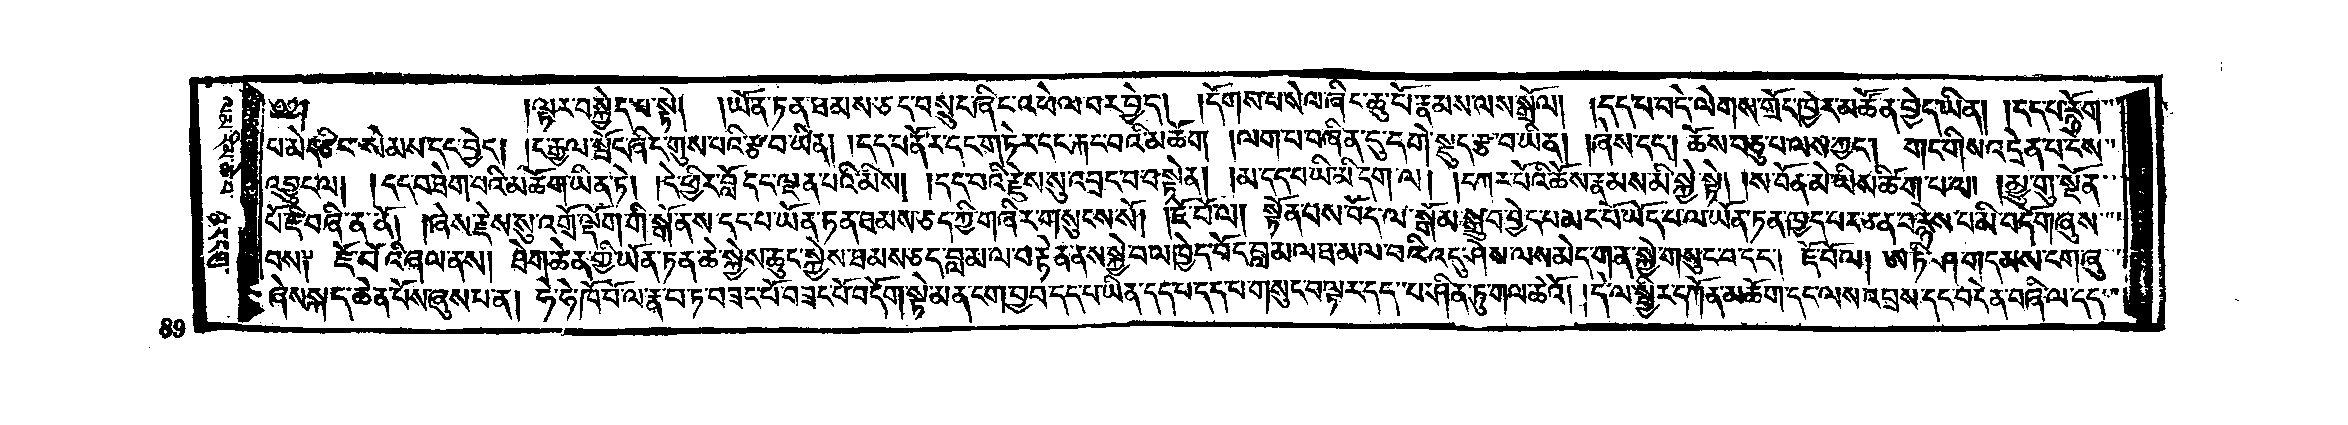༄༅། །ལྟར་བསྐྱེད་པ་སྟེ། །ཡོན་ཏན་ཐམས་ཅད་བསྲུང་ཞིང་འཕེལ་བར་བྱེད། །དོགས་པ་སེལ་ཞིང་ཆུ་བོ་རྣམས་ལས་སྒྲོལ། །དད་པ་བདེ་ལེགས་གྲོང་ཁྱེར་མཚོན་བྱེད་ཡིན། །དད་པ་རྙོག་
པ་མེད་ཅིང་སེམས་དང་བྱེད། །ང་རྒྱལ་སྤོང་ཞིང་གུས་པའི་རྩ་བ་ཡིན། །དད་པ་ནོར་དང་གཏེར་དང་རྐང་པའི་མཆོག །ལག་པ་བཞིན་དུ་དགེ་སྡུད་རྩ་བ་ཡིན། །ཞེས་དང་། ཆོས་བཅུ་པ་ལས་ཀྱང་། གང་གིས་འདྲེན་པ་ངེས་
འབྱུང་ལ། །དད་པ་ཐེག་པའི་མཆོག་ཡིན་ཏེ། །དེ་ཕྱིར་བློ་དང་ལྡན་པའི་མིས། །དད་པའི་རྗེས་སུ་འབྲང་བ་བསྟེན། །མ་དད་པ་ཡི་མི་དག་ལ། །དཀར་པོའི་ཆོས་རྣམས་མི་སྐྱེ་སྟེ། །ས་བོན་མེ་ཡིས་ཚིག་པ་ལ། །མྱུ་གུ་སྔོན་
པོ་ཇི་བཞིན་ནོ། །ཞེས་རྗེས་སུ་འགྲོ་ལྡོག་གི་སྒོ་ནས་དད་པ་ཡོན་ཏན་ཐམས་ཅད་ཀྱི་གཞིར་གསུངས་སོ། །ཇོ་བོ་ལ། སྟོན་པས་བོད་ལ་སྒོམ་སྒྲུབ་བྱེད་པ་མང་པོ་ཡོད་པ་ལ་ཡོན་ཏན་ཁྱད་པར་ཅན་བརྙེས་པ་མི་བདོག་ཞུས་
པས༑ ཇོ་བོའི་ཞལ་ནས། ཐེག་ཆེན་གྱི་ཡོན་ཏན་ཆེ་སྐྱེས་ཆུང་སྐྱེས་ཐམས་ཅད་བླ་མ་ལ་བརྟེན་ནས་སྐྱེ་བ་ལ་ཁྱེད་བོད་བླ་མ་ལ་ཐ་མལ་པའི་འདུ་ཤེས་ལས་མེད་ག་ན་སྐྱེ་གསུང་བ་དང་། ཇོ་བོ་ལ། ཨ་ཏི་ཤ་གདམས་ངག་ཞུ་
ཞེས་སྐད་ཆེན་པོས་ཞུས་པ་ན། ཧེ་ཧེ་ཁོ་བོ་ལ་རྣ་བ་ཏ་བཟང་པོ་བཟང་པོ་བདོག་སྟེ་མན་ངག་བྱ་བ་དད་པ་ཡིན་དད་པ་དད་པ་གསུང་བ་ལྟར་དད་པ་ཤིན་ཏུ་གལ་ཆེའོ། །དེ་ལ་སྤྱིར་དཀོན་མཆོག་དང་ལས་འབྲས་དང་བདེན་བཞི་ལ་དད་